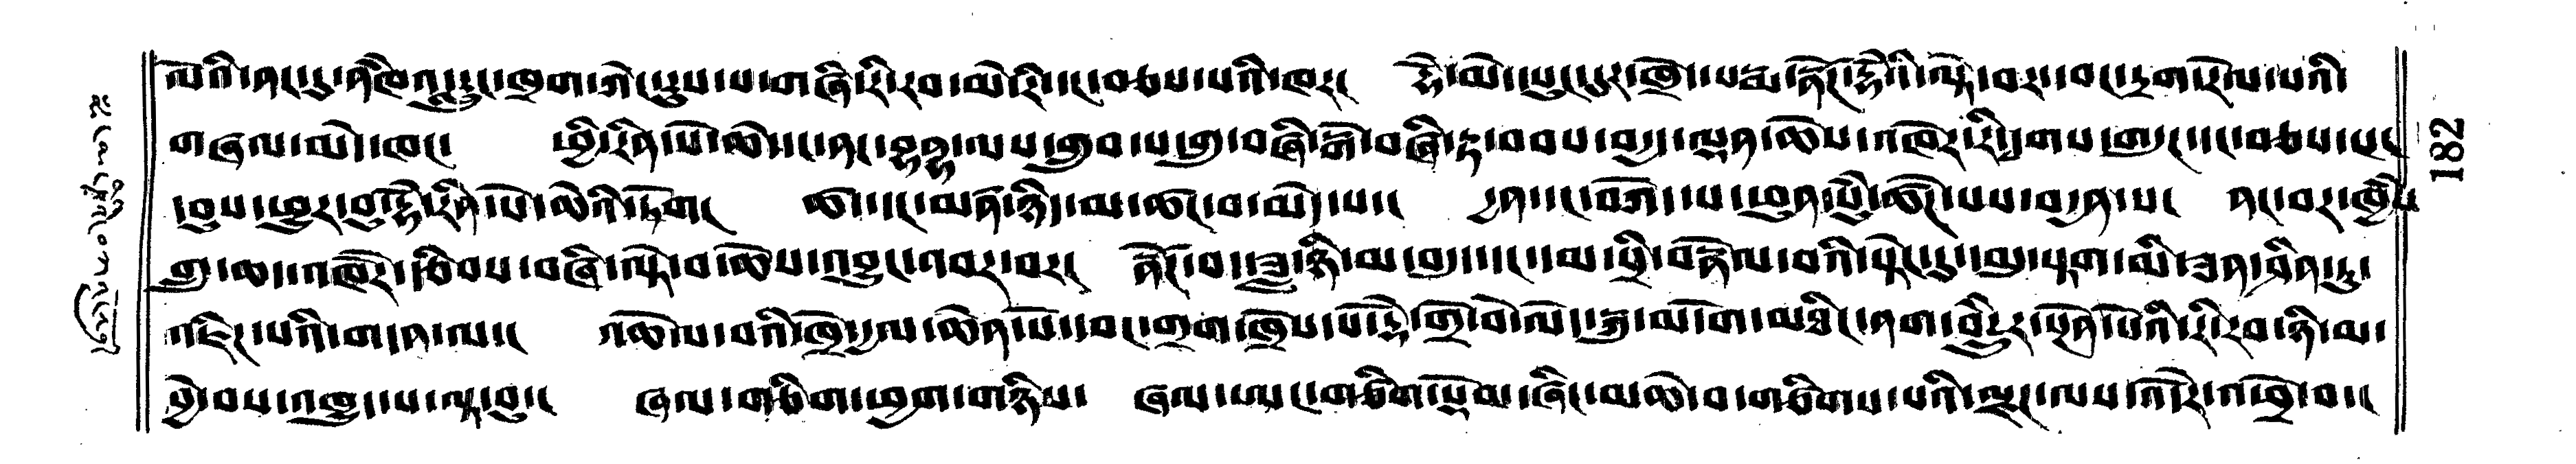ལོའི་ནང་དུ་ནམ་མཁའ་རླུང་ཁྲག་ཀེང་རུས་ས་གཞི་རི་རབ་མེ་རི་དང་བཅས་པའི་ཁར། རྡོ་རྗེ་མེ་དཔུང་དུར་ཁྲོད་པདྨ་སྣ་ཚོགས་རྡོ་རྗེའི་ལྟེ་བར་དབང་དྲག་རོལ་པའི་
གཞལ་མེད་ཁང་ཕྱི་རིན་པོ་ཆེས་ནང་བྷནྡྷ་ལས་གྲུབ་པ་གྲུ་བཞི་སྒོ་བཞི་རྟ་བབས་བརྒྱད་ལྡན་ཆོས་འཁོར་རི་དྭགས་གདུགས་དང་བཅས་པ་
དབུས་ཕྱུར་བུར་རྡོ་རྗེ་རིན་པོ་ཆེའི་ཏོག ཚད་དང་མཚན་ཉིད་མ་ཚང་བ་མེད་པ། རྒྱན་དང་བཀོད་པ་ཕུན་སུམ་ཚོགས་པས་བརྒྱན་པ། ནང་བར་ཁྱམས་
གྲུ་ཆད་འཁོར་ལོ་རྩིབས་བཞི་ལྟེ་བ་ཆོས་འབྱུང་འབར་བར། སྣ་ཚོགས་པད་ཟླ་ཉི་མ་བདུད་དང་དམ་སྲི་བསྣོལ་བའི་སྟེང་དུ་དམུ་སྟག་མི་ཟན་ཤིན་ཏུ་
འཇིགས་པའི་གདན་ལ་འཆོལ་བའི་ཁྲོ་རྒྱལ་ཆེན་པོ་དབང་དྲག་ཁྲོས་པ་རྡོ་རྗེ་གྲོ་བོ་ལོད་སྐུ་མདོག་མཐིང་ནག་བཻ་ཌཱུརྻ་སྔོན་པོའི་རི་རབ་ཉི་མ་
བྱེ་བས་འཁྱུད་པ་ལྟ་བུ།ཞལ་གཅིག་ཕྱག་གཉིས་ཞལ་ཨམ་གཙིགས་སྡོམ་ཞིང་མཆེ་བ་གཙིགས་པའི་ལྗགས་ལས་འོད་ཟེར་འཕྲོ་བ།